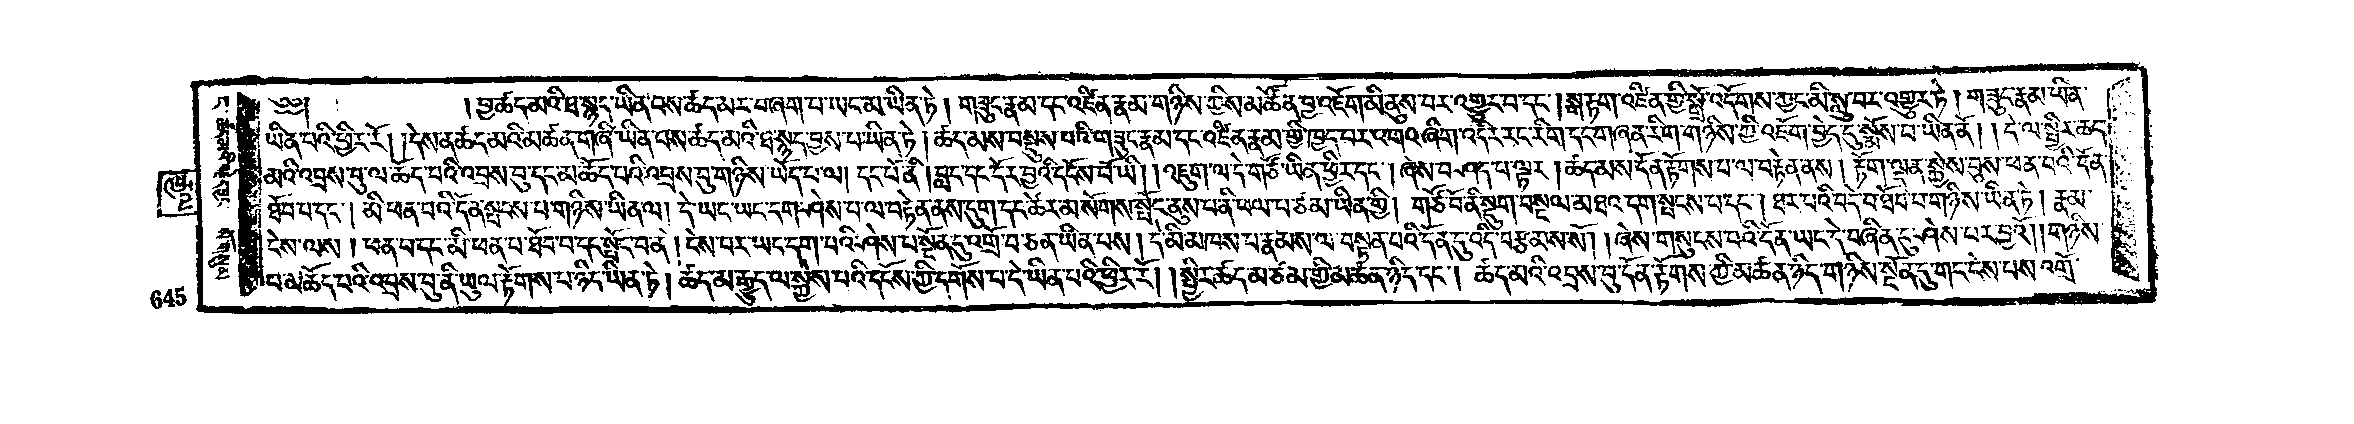༄༅། །བྱ་ཚད་མའི་ཐ་སྙད་ཡིན་པས་ཚད་མར་བཞག་པ་ཡང་མ་ཡིན་ཏེ། གཟུང་རྣམ་དང་འཛིན་རྣམ་གཉིས་ཀྱིས་མཚན་བྱ་འཇོག་མི་ནུས་པར་འགྱུར་བ་དང་། སྒྲ་རྟག་འཛིན་གྱི་སྒྲོ་འདོགས་ཀྱང་མི་སླུ་བར་འགྱུར་ཏེ། གཟུང་རྣམ་ཡིན་
ཡིན་པའི་ཕྱིར་རོ། །དེས་ན་ཚད་མའི་མཚན་གཞི་ཡིན་པས་ཚད་མའི་ཐ་སྙད་བྱས་པ་ཡིན་ཏེ། ཚད་མས་བསྡུས་པའི་གཟུང་རྣམ་དང་འཛིན་རྣམ་གྱི་ཁྱད་པར་འགའ་ཞིག་འདིར་རང་རིག་དང་གཞན་རིག་གཉིས་ཀྱི་འཇོག་བྱེད་དུ་སྨོས་པ་ཡིན་ནོ། །དེ་ལ་སྤྱིར་ཚད་
མའི་འབྲས་བུ་ལ་ཆོས་པའི་འབྲས་བུ་དང་མ་ཆོད་པའི་འབྲས་བུ་གཉིས་ཡོད་པ་ལ། དང་པོ་ནི། བླང་དང་དོར་བྱའི་དངོས་པོ་ཡི། །འཇུག་ལ་དེ་གཙོ་ཡིན་ཕྱིར་དང་། ཞེས་བཤད་པ་ལྟར། ཚད་མས་དོན་རྟོགས་པ་ལ་བརྟེན་ནས། རྟོག་ལྡན་སྐྱེས་བུས་ཕན་པའི་དོན་
ཐོབ་པ་དང་། མི་ཕན་པའི་དོན་སྤངས་པ་གཉིས་ཡིན་ལ། དེ་ཡང་ཡང་དག་ཤེས་པ་ལ་བརྟེན་ནས་དུག་དང་ཚེར་མ་སོགས་སྤོང་ནུས་པ་ནི་ཕལ་པ་ཙམ་ཡིན་གྱི། གཙོ་བོ་ནི་སྡུག་བསྔལ་མཐའ་དག་སྤངས་པ་དང་། ཐར་པའི་བདེ་བ་ཐོབ་པ་གཉིས་ཡིན་ཏེ། རྣམ་
ངེས་ལས། ཕན་པ་དང་མི་ཕན་པ་ཐོབ་པ་དང་སྤོང་བ་ན། ངེས་པར་ཡང་དག་པའི་ཤེས་པ་སྔོན་དུ་འགྲོ་བ་ཅན་ཡིན་པས། དེ་མི་མཁས་པ་རྣམས་ལ་བསྟན་པའི་དོན་དུ་འདི་བརྩམས་སོ། །ཞེས་གསུངས་པའི་དོན་ཡང་དེ་བཞིན་དུ་ཤེས་པར་བྱའོ། །གཉིས་
པ་མཆོད་པའི་འབྲས་བུ་ནི་ཡུལ་རྟོགས་པ་ཉིད་ཡིན་ཏེ། ཚད་མ་རྒྱུད་ལ་སྐྱེས་པའི་དངོས་ཀྱི་དགོས་པ་དེ་ཡིན་པའི་ཕྱིར་རོ། །སྤྱིར་ཚད་མ་ཙམ་གྱི་མཚན་ཉིད་དང་། ཚད་མའི་འབྲས་བུ་དོན་རྟོགས་ཀྱི་མཚན་ཉིད་གཉིས་སྔོན་དུ་གང་ངེས་པས་འགྲོ་